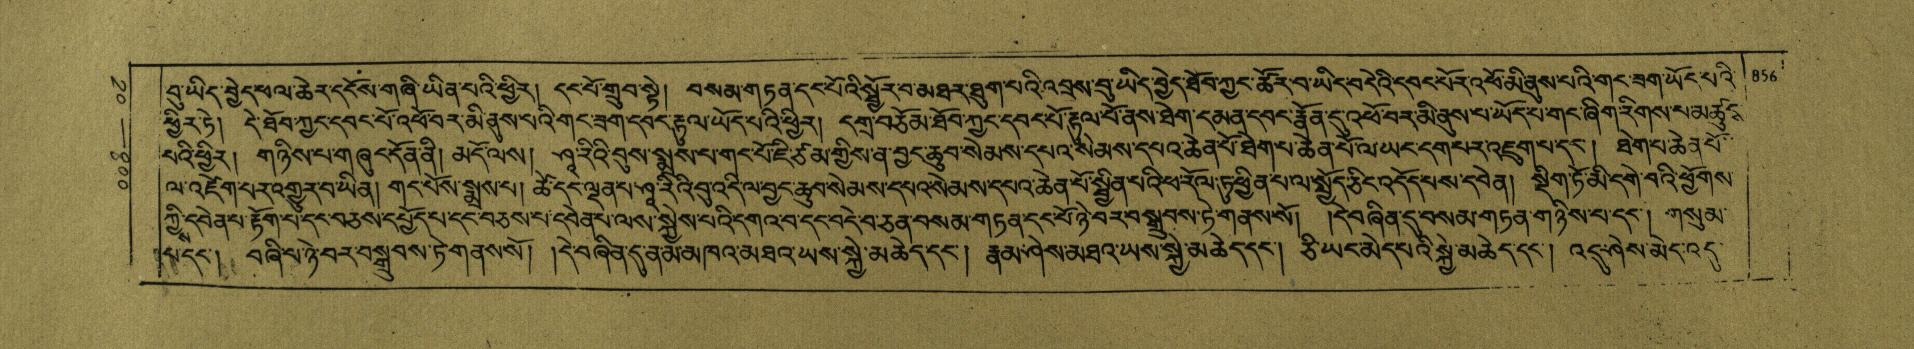བུ་ཡིད་བྱེད་ཕལ་ཆེར་དངོས་གཞི་ཡིན་པའི་ཕྱིར། དང་པོ་གྲུབ་སྟེ། བསམ་གཏན་དང་པོའི་སྦྱོར་བ་མཐར་ཐུག་པའི་འབྲས་བུ་ཡིད་བྱེད་ཐོབ་ཀྱང་ཚོར་བ་ཡིད་བདེའི་དབང་པོར་འཕོ་མི་ནུས་པའི་གང་ཟག་ཡོད་པའི་
ཕྱིར་ཏེ། དེ་ཐོབ་ཀྱང་དབང་པོ་འཕོ་བར་མི་ནུས་པའི་གང་ཟག་དབང་རྟུལ་ཡོད་པའི་ཕྱིར། དགྲ་བཅོམ་ཐོབ་ཀྱང་དབང་པོ་རྟུལ་པོ་ནས་ཐེག་དམན་དབང་རྣོན་དུ་འཕོ་བར་མི་ནུས་པ་ཡོད་པ་གང་ཞིག་རིགས་པ་མཚུངས་
པའི་ཕྱིར། གཉིས་པ་གཞུང་དོན་ནི། མདོ་ལས། ཤཱ་རིའི་བུས་སྨྲས་པ་གང་པོ་ཇི་ཙམ་གྱིས་ན་བྱང་ཆུབ་སེམས་དཔའ་སེམས་དཔའ་ཆེན་པོ་ཐེག་པ་ཆེན་པོ་ལ་ཡང་དག་པར་འཇུག་པ་དང་། ཐེག་པ་ཆེན་པོ་
ལ་འཛེག་པར་འགྱུར་བ་ཡིན། གང་པོས་སྨྲས་པ། ཚེ་དང་ལྡན་པ་ཤཱ་རིའི་བུ་འདི་ལ་བྱང་ཆུབ་སེམས་དཔའ་སེམས་དཔའ་ཆེན་པོ་སྦྱིན་པའི་ཕ་རོལ་ཏུ་ཕྱིན་པ་ལ་སྤྱོད་ཅིང་འདོད་པས་དབེན། སྡིག་ཏོ་མི་དགེ་བའི་ཕྱོགས་
ཀྱིས་དབེན་པ་རྟོག་པ་དང་བཅས་དཔྱོད་པ་དང་བཅས་པ་དབེན་པ་ལས་སྐྱེས་པའི་དགའ་བ་དང་བདེ་བ་ཅན་བསམ་གཏན་དང་པོ་ཉེ་བར་བསྒྲུབས་ཏེ་གནས་སོ། །དེ་བཞིན་དུ་བསམ་གཏན་གཉིས་པ་དང་། གསུམ་
པ་དང་། བཞི་པ་ཉེ་བར་བསྒྲུབས་ཏེ་གནས་སོ། །དེ་བཞིན་དུ་ན་མ་མཁའ་མཐའ་ཡས་སྐྱེ་མཆེད་དང་། རྣམ་ཤེས་མཐའ་ཡས་སྐྱེ་མཆེད་དང་། ཅི་ཡང་མེད་པའི་སྐྱེ་མཆེད་དང་། འདུ་ཤེས་མེད་འདུ་